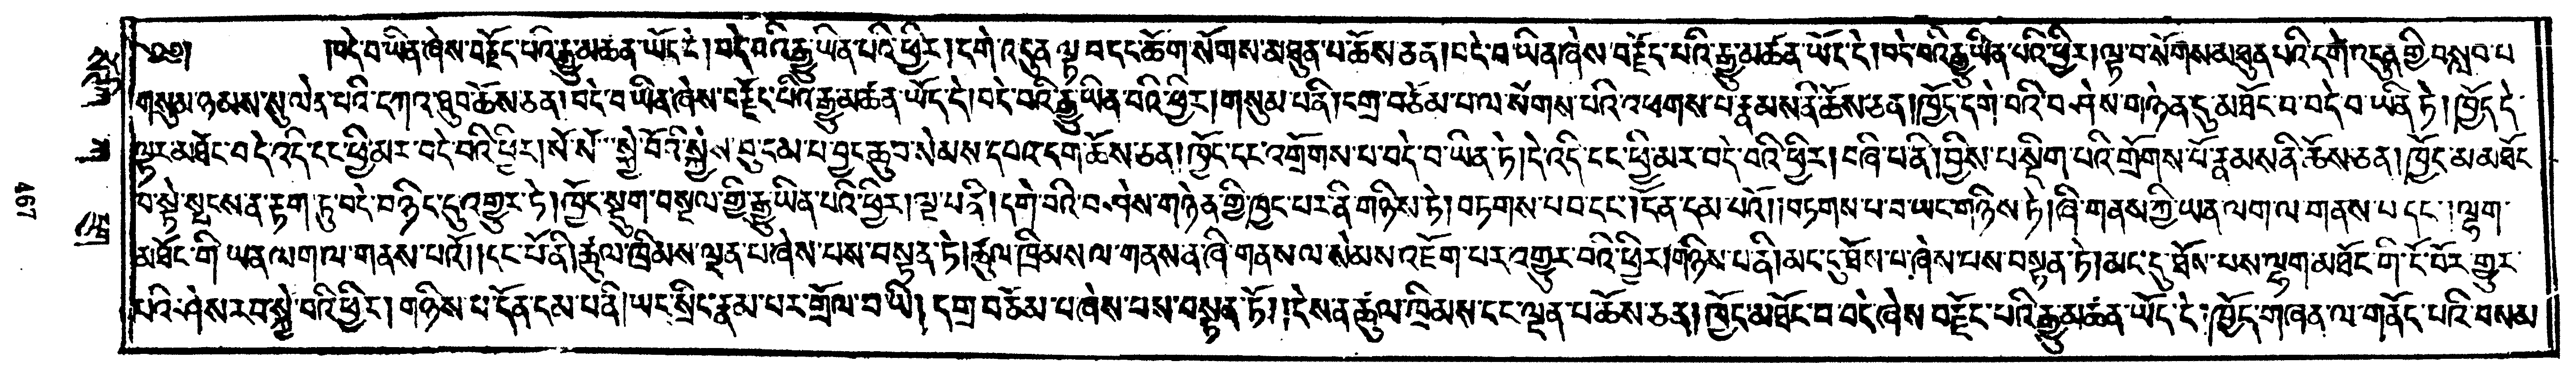༄༅། །བདེ་བ་ཡིན་ཞེས་བརྗོད་པའི་རྒྱུ་མཚན་ཡོད་དེ། བདེ་བའི་རྒྱུ་ཡིན་པའི་ཕྱིར། དགེ་འདུན་ལྟ་བ་དང་ཆོག་སོགས་མཐུན་པ་ཆོས་ཅན། བདེ་བ་ཡིན་ཞེས་བརྗོད་པའི་རྒྱུ་མཚན་ཡོད་དེ། བདེ་བའི་རྒྱུ་ཡིན་པའི་ཕྱིར། ལྟ་བ་སོགས་མཐུན་པའི་དགེ་འདུན་གྱི་བསླབ་པ་
གསུམ་ཉམས་སུ་ལེན་པའི་དཀའ་ཐུབ་ཆོས་ཅན། བདེ་བ་ཡིན་ཞེས་བརྗོད་པའི་རྒྱུ་མཚན་ཡོད་དེ། བདེ་བའི་རྒྱུ་ཡིན་པའི་ཕྱིར། གསུམ་པ་ནི། དགྲ་བཅོམ་པ་ལ་སོགས་པའི་འཕགས་པ་རྣམས་ནི་ཆོས་ཅན། ཁྱོད་དགེ་བའི་བཤེས་གཉེན་དུ་མཐོང་བ་བདེ་བ་ཡིན་ཏེ། ཁྱོད་དེ་
ལྟར་མཐོང་བ་དེ་འདི་དང་ཕྱི་མར་བདེ་བའི་ཕྱིར། སོ་སོ་སྐྱེ་བོའི་སྐྱེས་བུ་དམ་པ་བྱང་ཆུབ་སེམས་དཔའ་དག་ཆོས་ཅན། ཁྱོད་དང་འགྲོགས་པ་བདེ་བ་ཡིན་ཏེ། དེ་འདི་དང་ཕྱི་མར་བདེ་བའི་ཕྱིར། བཞི་པ་ནི། བྱིས་པ་སྡིག་པའི་གྲོགས་པོ་རྣམས་ནི་ཆོས་ཅན། ཁྱོད་མ་མཐོང་
བ་སྟེ་སྤངས་ན་རྟག་ཏུ་བདེ་བ་ཉིད་དུ་འགྱུར་ཏེ། ཁྱོད་སྡུག་བསྔལ་གྱི་རྒྱུ་ཡིན་པའི་ཕྱིར། ལྔ་པ་ནི། དགེ་བའི་བཤེས་གཉེན་གྱི་ཁྱད་པར་ནི་གཉིས་ཏེ། བཏགས་པབ་དང་། དོན་དམ་པའོ། །བཏགས་པ་བ་ཡང་གཉིས་ཏེ། ཞི་གནས་ཀྱི་ཡན་ལག་ལ་གནས་པ་དང་། ལྷག་
མཐོང་གི་ཡན་ལག་ལ་གནས་པའོ། །དང་པོ་ནི། ཚུལ་ཁྲིམས་ལྡན་པ་ཞེས་པས་བསྟན་ཏེ། ཚུལ་ཁྲིམས་ལ་གནས་ན་ཞི་གནས་ལ་སེམས་འཇོག་པར་འགྱུར་བའི་ཕྱིར། གཉིས་པ་ནི། མང་དུ་ཐོས་པ་ཞེས་པས་བསྟན་ཏེ། མང་དུ་ཐོས་པས་ལྷག་མཐོང་གི་ངོ་བོར་གྱུར་
པའི་ཤེས་རབ་སྐྱེ་བའི་ཕྱིར། གཉིས་པ་དོན་དམ་པ་ནི། ཡང་སྲིད་རྣམ་པར་གྲོལ་བ་ཡི། དགྲ་བཅོམ་པ་ཞེས་པས་བསྟན་ཏོ། །དེས་ན་ཚུལ་ཁྲིམས་དང་ལྡན་པ་ཆོས་ཅན། ཁྱོད་མཐོང་བ་བདེ་ཞེས་བརྗོད་པའི་རྒྱུ་མཚན་ཡོད་དེ། ཁྱོད་གཞན་ལ་གནོད་པའི་བསམ་